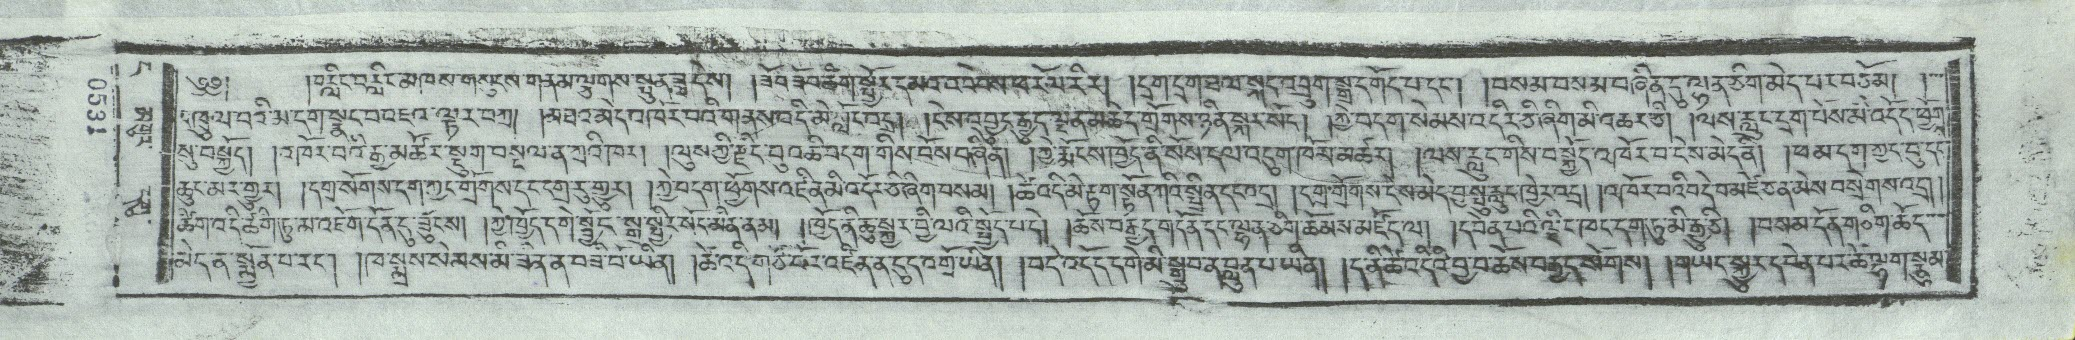༄༅། །བརླིང་བརླིང་མཁས་གསུངས་གནམ་ལྕགས་སྤུན་ཟླ་དེས། །ཟོབ་ཟོབ་ཚིག་སྤྱོར་དམའ་འབེབས་ཕ་རོལ་རིར། །དྲག་དྲག་ཐལ་སྐང་འབྲུག་སྒྲ་དགོད་པ་དང་། །བསམ་བསམ་བཞིན་དུ་ལྷན་ཅིག་མེད་པར་བཅོམ། །
འཁྲུལ་བའི་མ་དག་སྣང་བ་འཇའ་ལྟར་བཀྲ། །མཐའ་མེད་འཁོར་བའི་གནས་འདི་མེ་སློང་འདྲ། །ངེས་འབྱུང་རྒྱུད་ལྡན་མཆེད་གྲོགས་ཉིན་སྐར་སོང་། །ཀྱེ་བདག་སེམས་འདིར་ཅི་ཞིག་མི་འཆར་ཅི། །ལས་རླུང་དྲག་པོས་མི་འདོད་ཕྱོགས་
སུ་བསྐྱོད། །འཁོར་བའི་རྒྱ་མཚོར་སྡུག་བསྔལ་ན་ཀྲའི་ཁར། །ལུས་ཀྱི་རྫིང་བུ་འཆི་བདག་གིས་བོས་བཞིན། །ཀྱེ་རྨོངས་ཁྱོད་ནི་སོས་དལ་འདུག་ཁོམ་མཚར། །ལས་རླུང་གིས་བསྐྱོད་འཁོར་བ་དེས་མེད་ནི། །ཕམ་དག་ཀྱང་བུ་དང་
ཆུང་མར་གྱུར། །དགྲ་སོགས་དག་ཀྱང་གྲོགས་དང་དགྲ་རུ་གྱུར། །ཀྱེ་བདག་ཕྱོགས་འཛིན་མི་འདོར་ཅི་ཞིག་བསམ། །ཚེ་འདི་མི་རྟག་སྟོན་ཀའི་སྤྲིན་དང་འདྲ། །དགྲ་གྲོགས་དེས་མེད་བྱ་སྤུ་རླུང་ཁྱེར་འདྲ། །འཁོར་བའི་བདེ་བ་མཛེ་ཅན་མེས་བསྲེགས་འདྲ། །
ཚིག་འདི་ཚིག་ཏུ་མ་འཇོག་དོན་དུ་ཟུངས། །ཀྱེ་ཁྱོད་དགེ་སྦྱོང་སྒྲ་སྤྱིར་སོང་མིན་ནམ། །ཁྱོད་ནི་ཆུ་སྐྱར་བྱི་ལའི་སྤྱོད་པ་དེ། །ཆོས་བརྒྱད་གདོན་དང་ལྷན་ཅིག་ཆོམས་མཛོད་ལ། །བདེན་པའི་ལྡིང་ཁང་དག་ཏུ་མི་རྒྱུ་ཅི། །བསམ་དོན་གཅིག་ཆོད་
མེད་ན་སྨྱོན་པ་རང་། །ཁ་སྨྲས་སེམས་མི་ཟིན་ན་བཟི་བ་ཡིན། །ཚེ་འདི་གཙོ་བོར་འཛིན་ན་དུད་འགྲོ་ཡིན། །བདེ་འདོད་དགེ་མི་སྒྲུབ་ན་བླུན་པ་ཡིན། །ད་ནི་ཚེ་འདིའི་བྱ་བ་ཆོས་བརྒྱད་སོགས། །གཡང་སྐྱུར་དབེན་པར་ཚེ་ལྷག་སྣུམ་